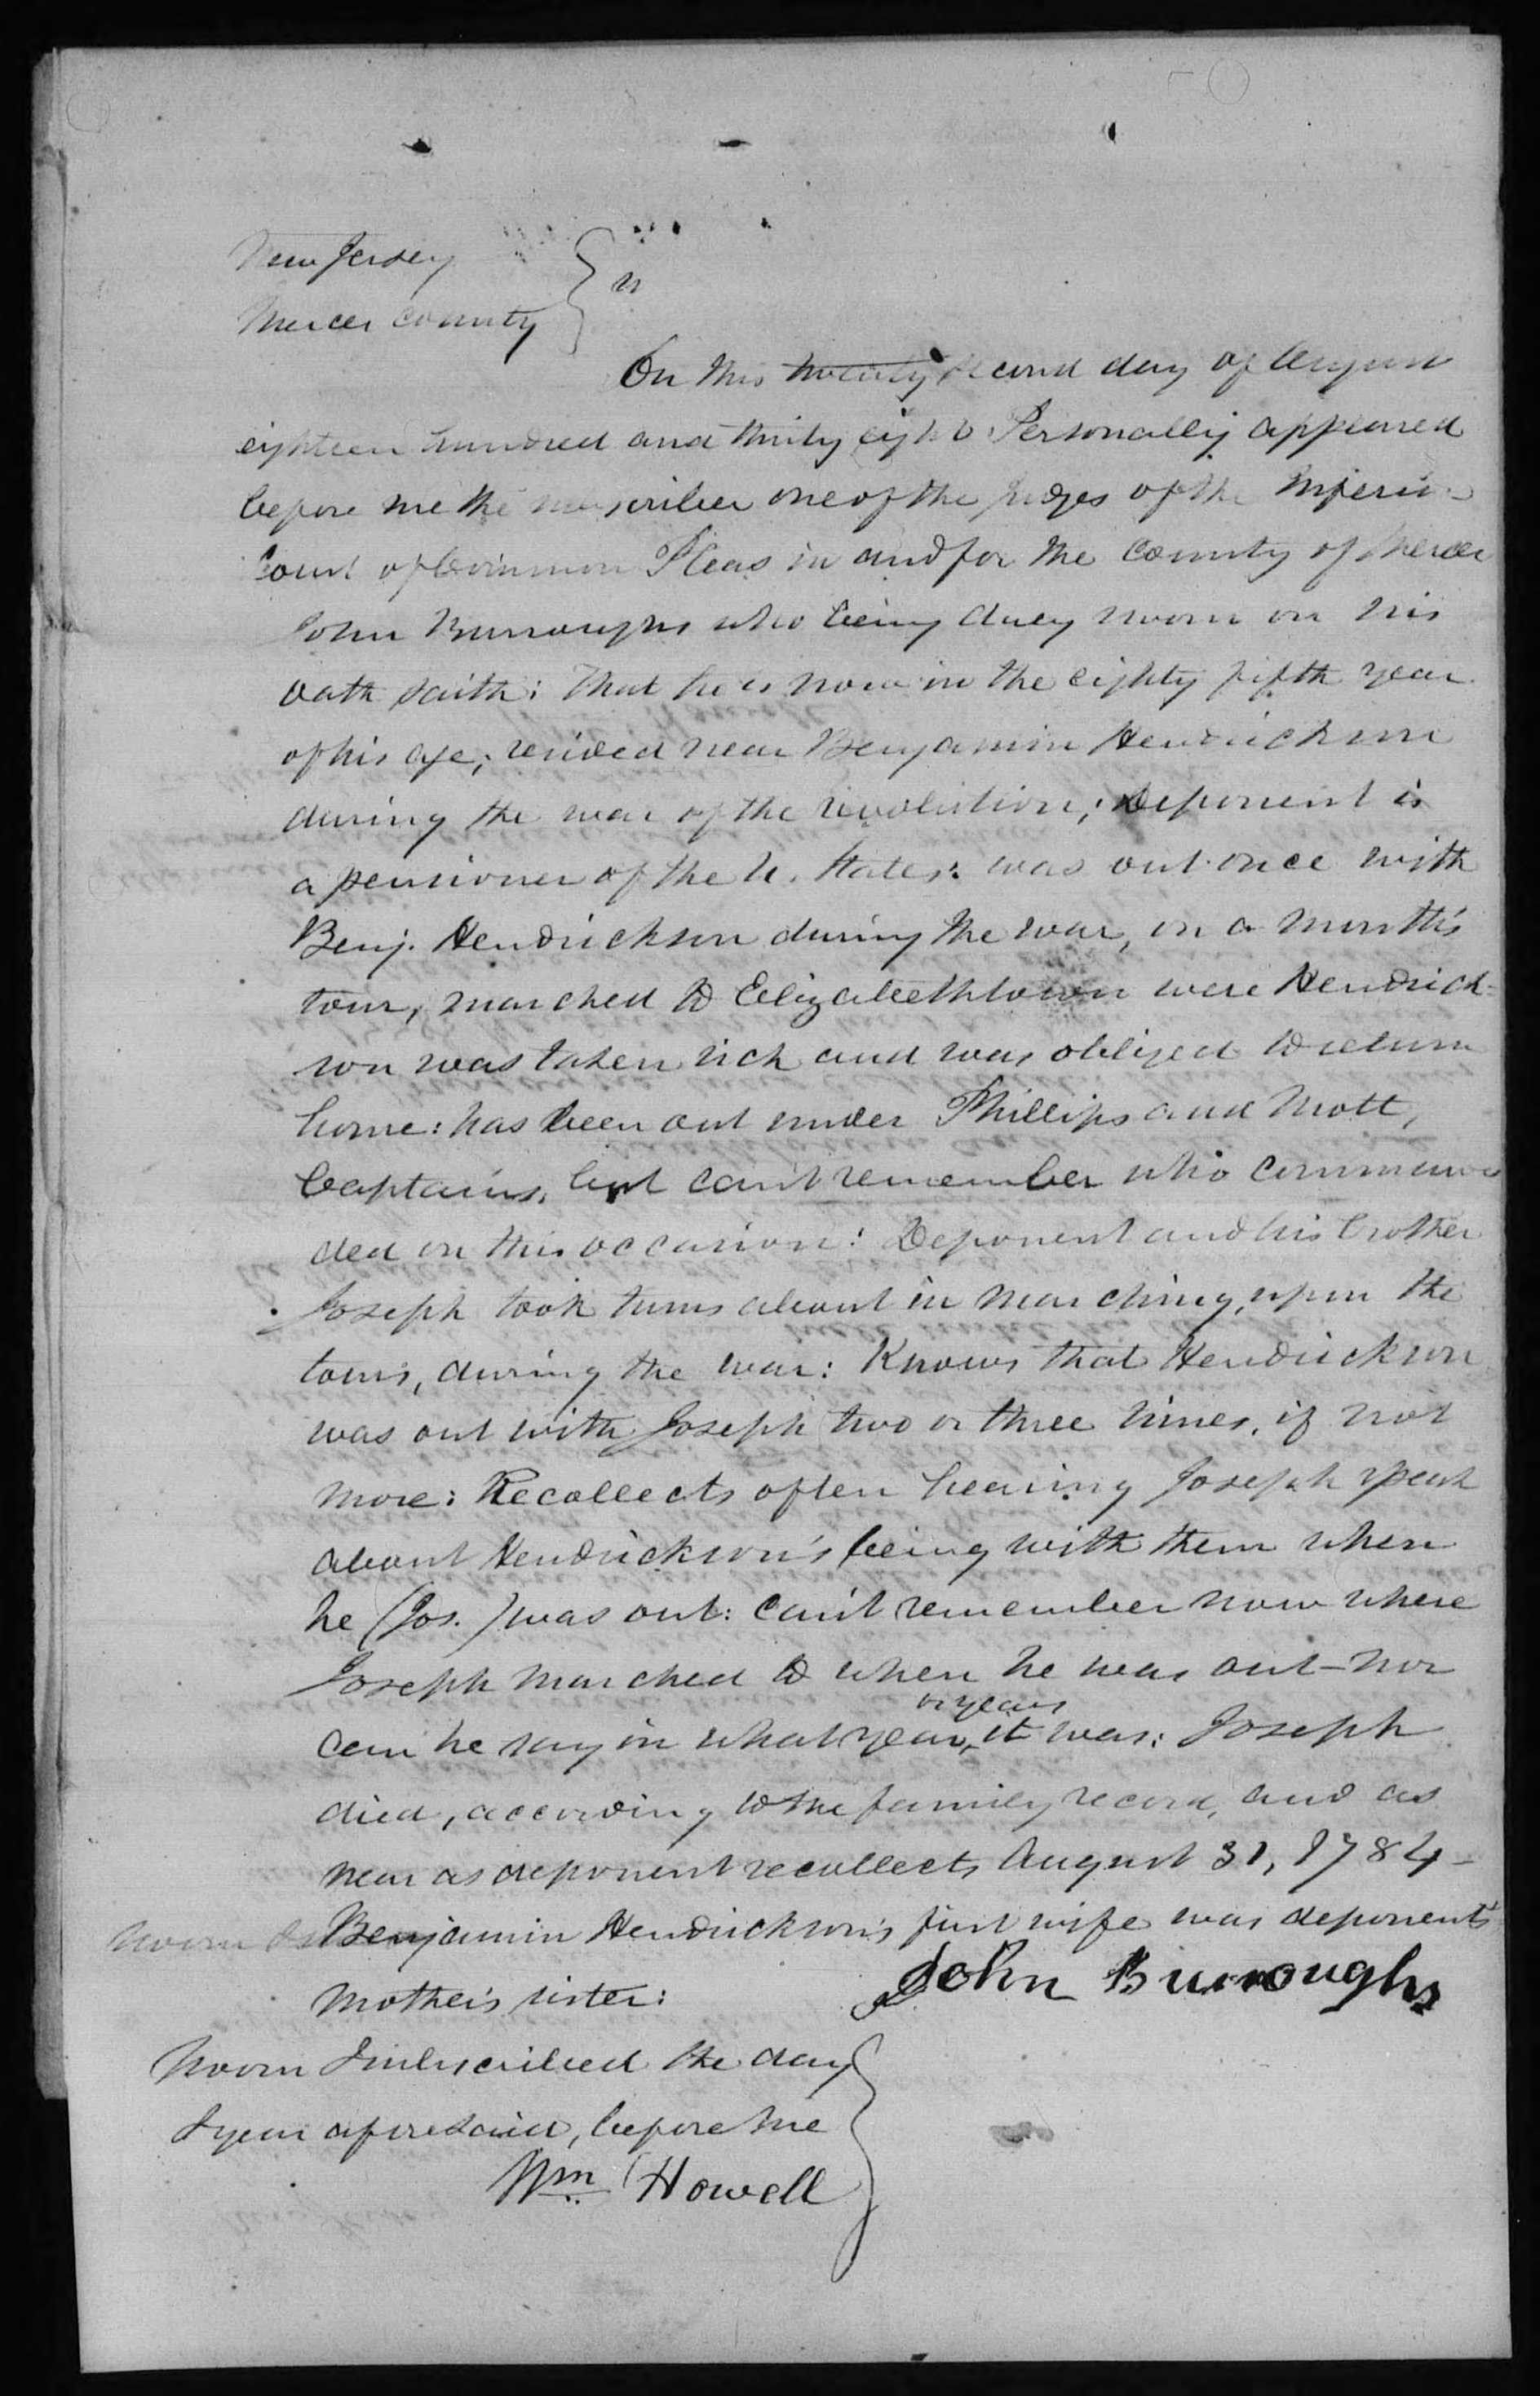New Jersey}
Mercer County} ss.

On this twenty second day of August
eighteen hundred and thirty eight personally appeared before me the suscriber one of the Judges of the Inferior Court of Common Pleas in and for the County of Mercer
John Burroughs who being duly sworn on his
oath saith; that he is now in the eighty fifth year of his age; resided near Benjamin Hendrickson during the war of the revolution: Deponent is a pensioner of the U. States; was out once with Benj. Hendrickson during the war, in a month's tour, marched to Elizabethtown were Hendrickson
was taken sick and was obliged to return
home: has been out under Phillips and Mott, Captains, but can't remember who commanded on this occasion: Deponent and his brother Joseph took turns about in marching, upon the tours, during the war: Knows that Hendrickson was out with Joseph two or three times, if not more: Recollects often hearing Joseph speak about Hendrickson's being with them when he (Jos.) was out: can't remember now where Joseph marched to when he was out_ nor can he say in what year or years it was: Joseph died, according to the family record, and as near as deponent recollects, August 31, 1784. Benjamin Hendrickson's first wife was deponent's Mother's sister: 
John Burroughs
Sworn & subscribed the day}
& year aforesaid, before me}
Wm. Howell}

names: Joseph, Hendrickson, Joseph, Jos, Wm Howell, Mott, John Burroughs, Benj Hendrickson, Phillips, Benjamin Hendrickson, Joseph, John Burroughs, Hendrickson, Hendrickson, Joseph, Benjamin Hendrickson, Joseph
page: 4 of 20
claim: rejected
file: R. 4884, Benjamin Hendrickson, New Jersey